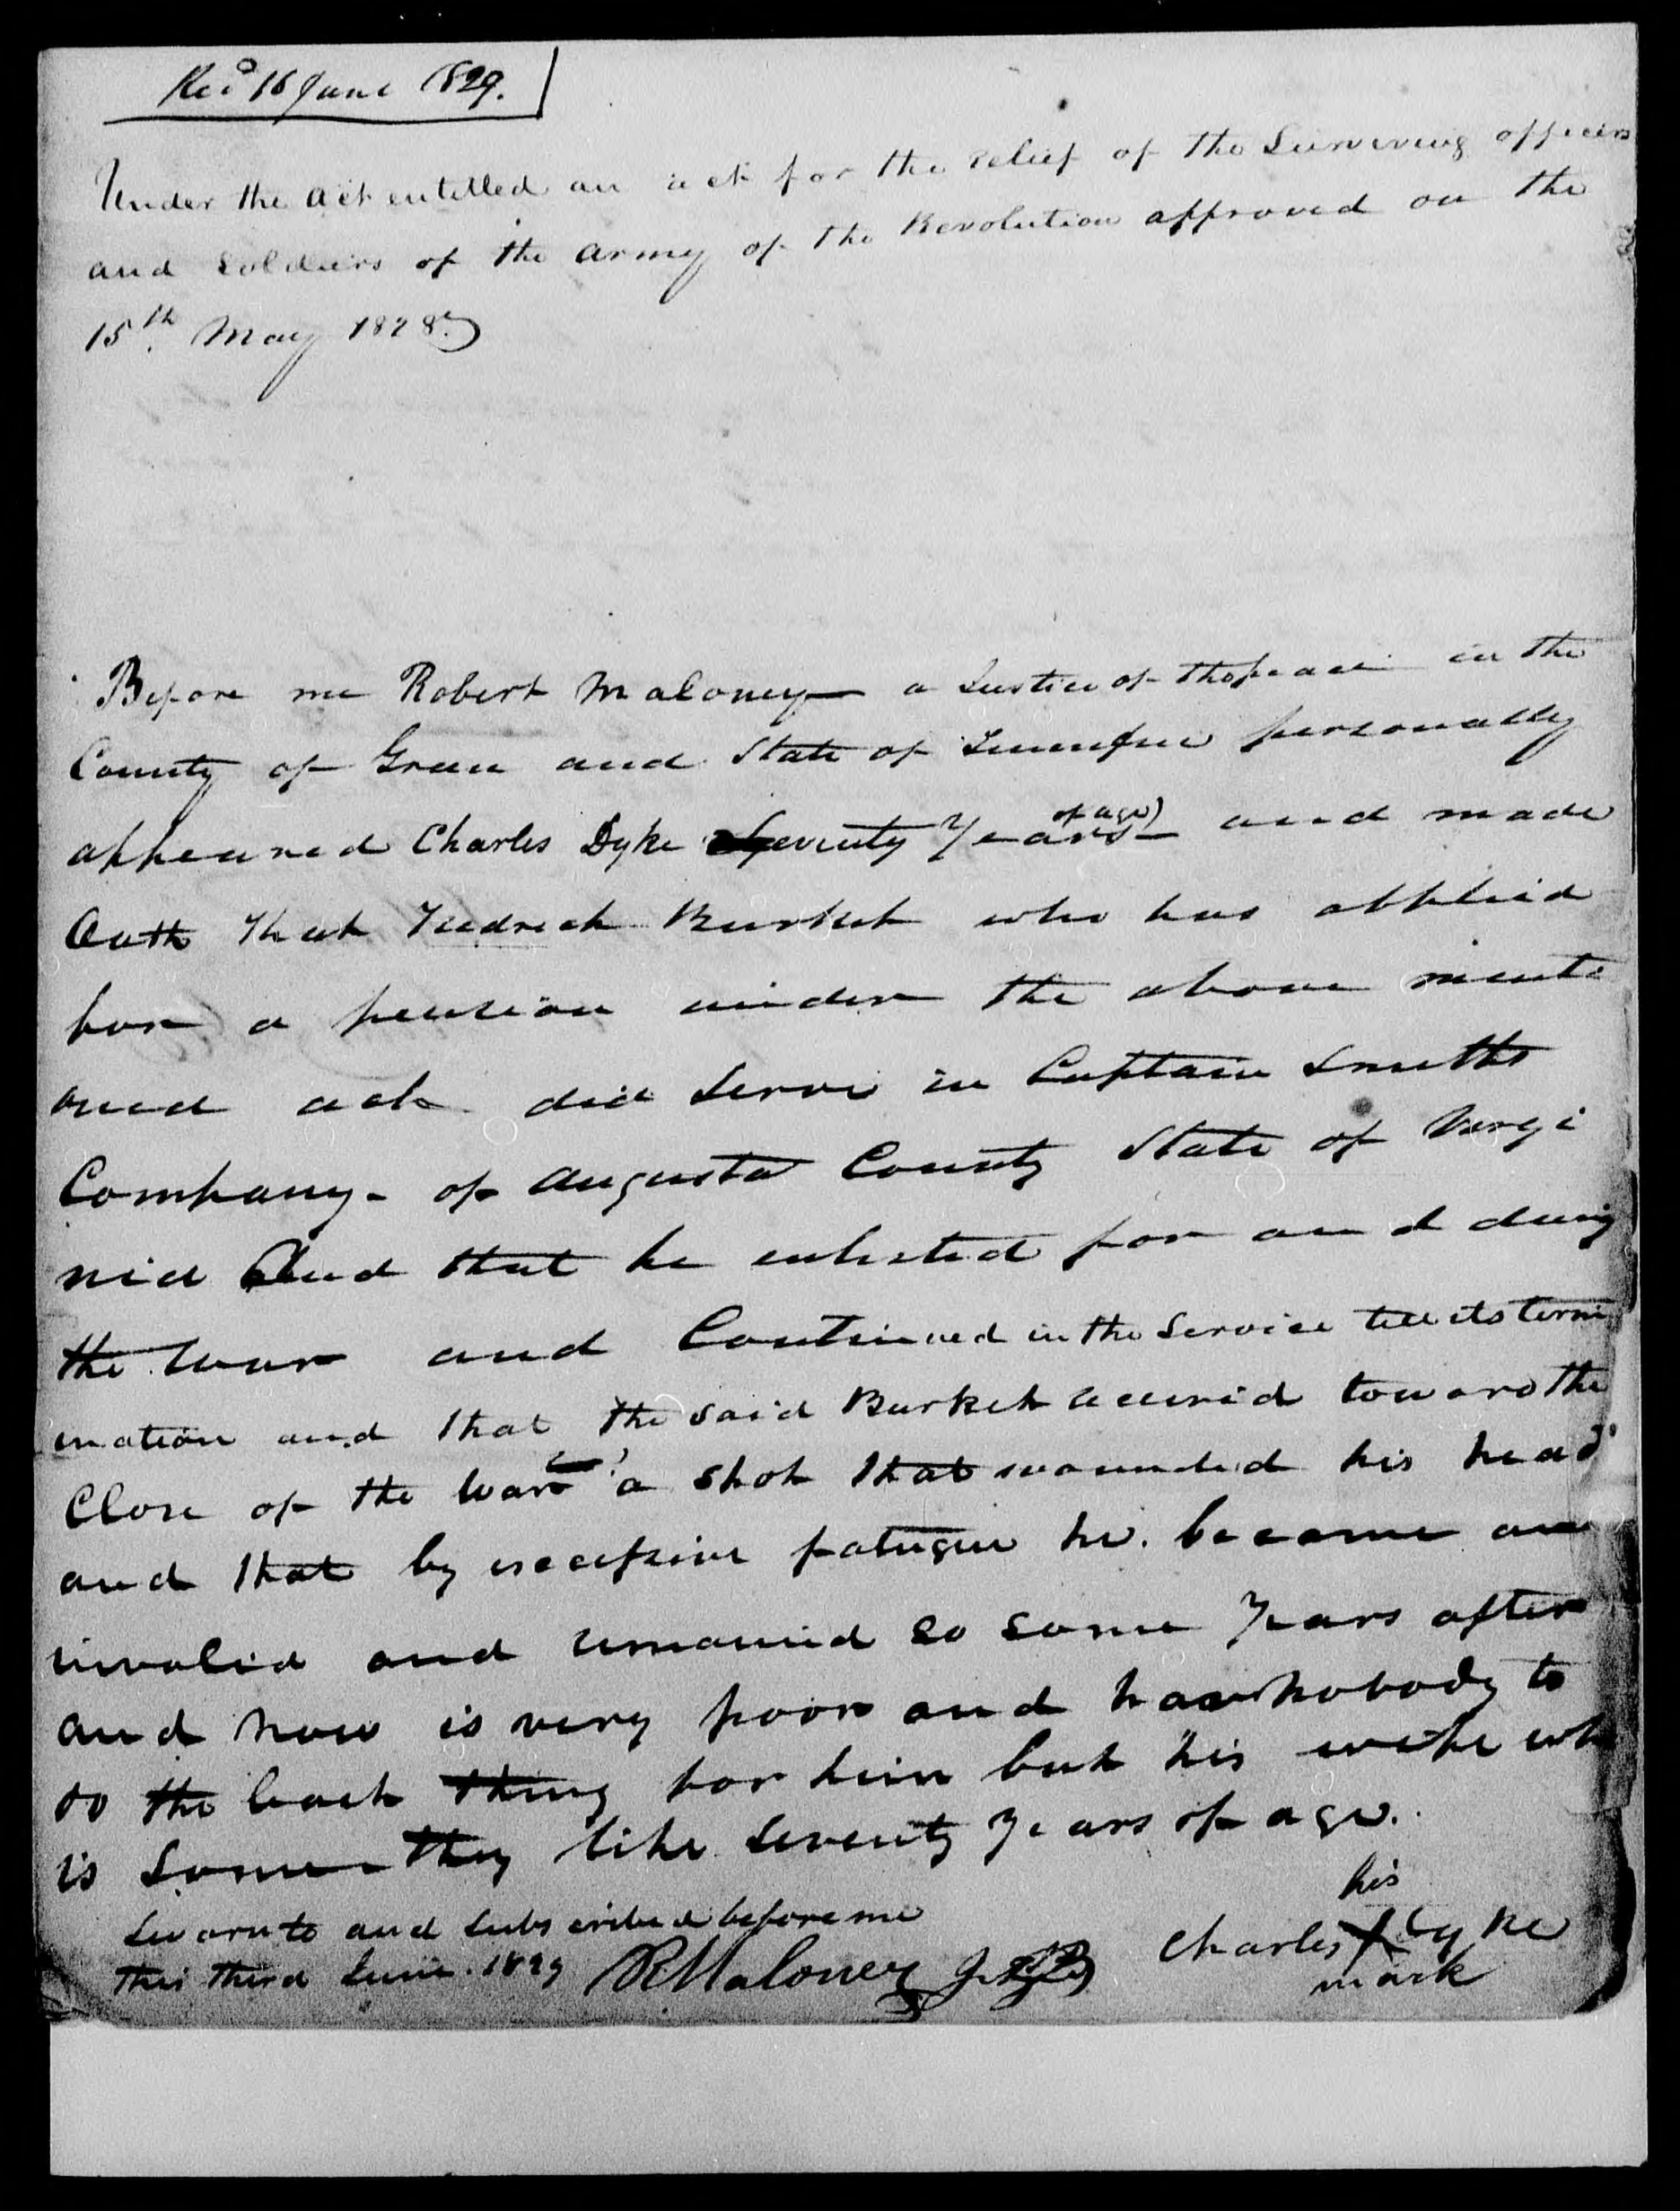Recd 16 June 1829
Under the act entitled an act for the relief of the surviving officers and soldiers of the army of the Revolution approved on the 15th May 1828.

Before me Robert Maloney a Justice of the peace in the County of Green and State of Tennessee personally appeared Charles Dyke seventy years of age and made oath that Frederick Burket who has applied for a pension under the above mentioned act did serve in Captain Smiths Company – of Augusta County State of Virginia and that he enlisted for and during the war and continued in the service till its termination and that the said Burket received toward the close of the war, a shot that wounded his head and that by recessive fatigue he became and invalid and unmarried so some years after and now is very poor and has nobody to do the back thing for him but his within something like seventy years of age.
Charles X Dyke
(X his mark)

Sworn to and subscribed before me this third June 1829
R Maloney Jus P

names: R Maloney, Fredrick Burket, Charles Dyke, Burket, Robert Maloney, Charles Dyke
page: 21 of 47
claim: survivor's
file: S. 3102, Frederick Burket, Va.